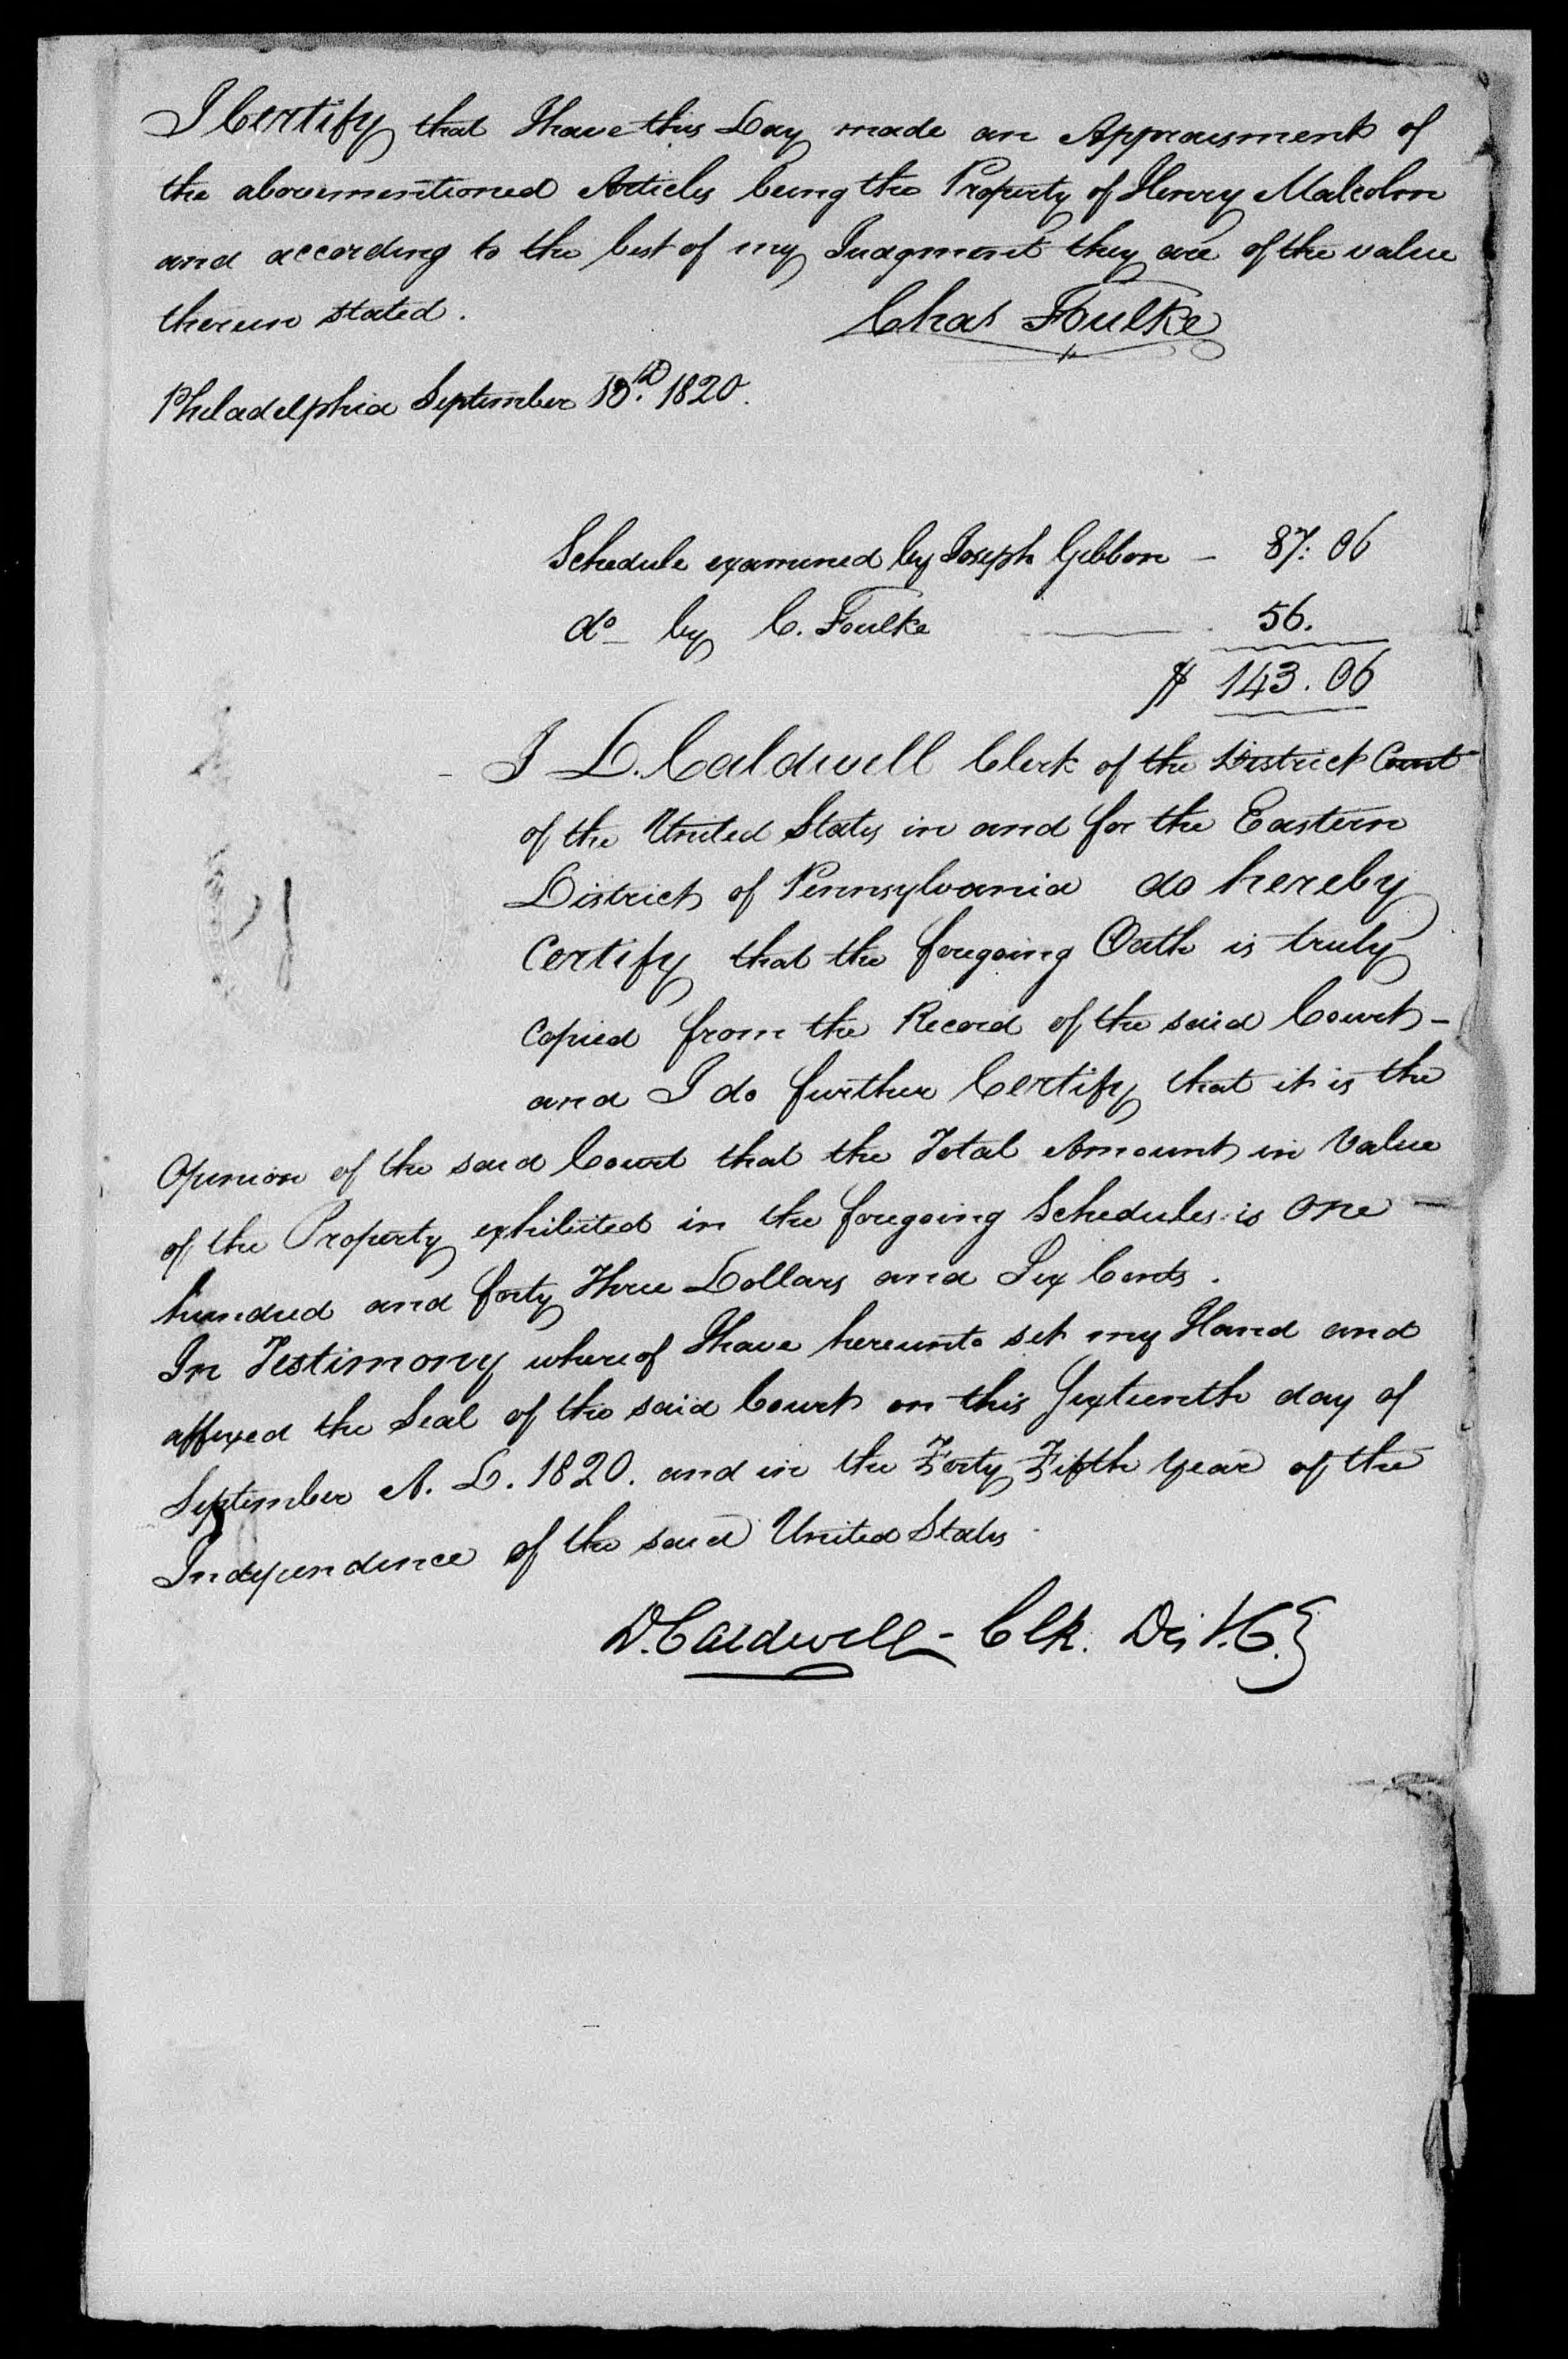I certify that I have this Day made are Appraisment [Appraisal] of the above mentioned Articles being the property of Hervey Malcolm and according to the best of my Judgment they are of the value therein stated Chas Foulke
Philadelphia September 10th 1820

Schedule examined by Joseph Gibbon 87.06
do by C. Foulke 56.
$143.06

I L. Caldwell Clerk of the District Court of the United States in and for the Eastern District
of Pennsylvania do hereby Certify that the foregoing Oath is truly copied from the Record of the said Court and I do further Certify that it is the Opinion of the said Court that the Total Amount in value of the Property exhibited in the foregoing Schedule is One
hundred and forty three Dollars and Six Cents.
In Testimony whereof I have hereunto set my Hand and affixed the Seal of the said Court on this Sixteenth day of September A.D. 1820 and in the Forty Fifth year of the Independence of the said United States
D. Caldwell Clk [Clerk] Dist. C.}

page: 9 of 28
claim: survivor's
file: S. 5,048, for Henry Malcolm